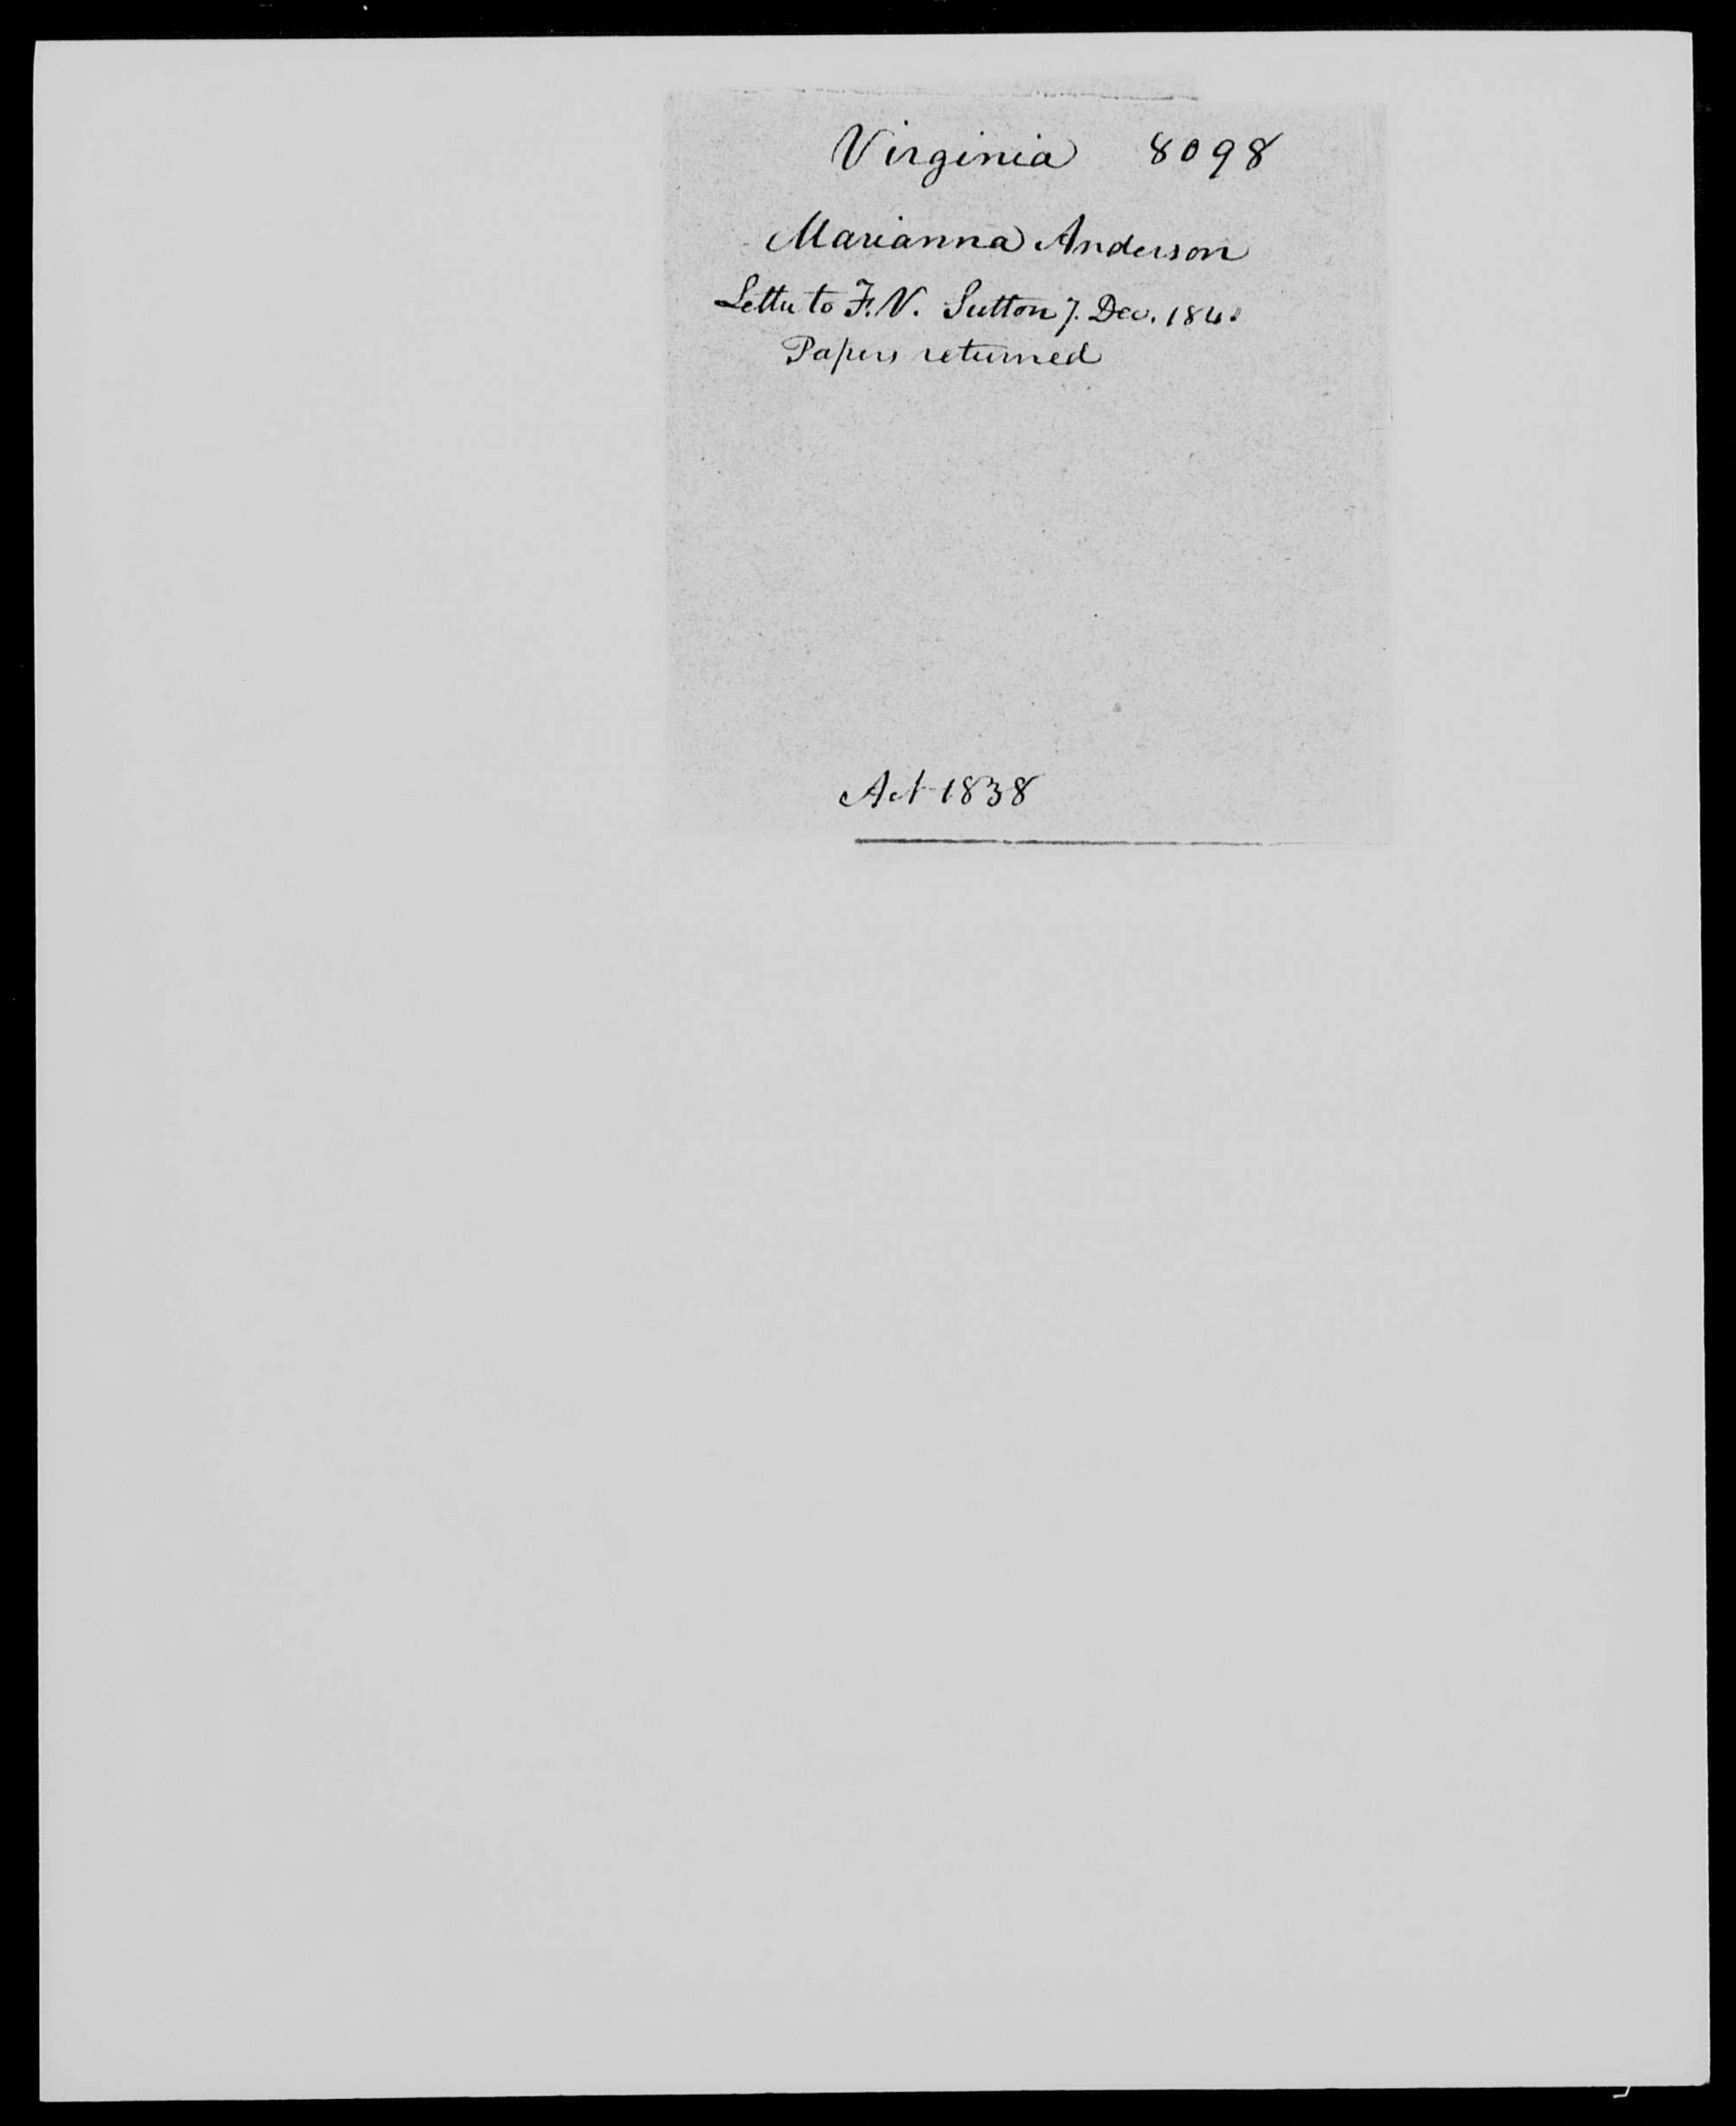Virginia 8098
Marianna Anderson
Letter to F. V. Sutton 7. Dec. 1841
Papers returned

Act 1838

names: F V Sutton, Marianna Anderson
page: 19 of 43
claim: widow's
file: W. 5,626, Nathan Anderson, Va.